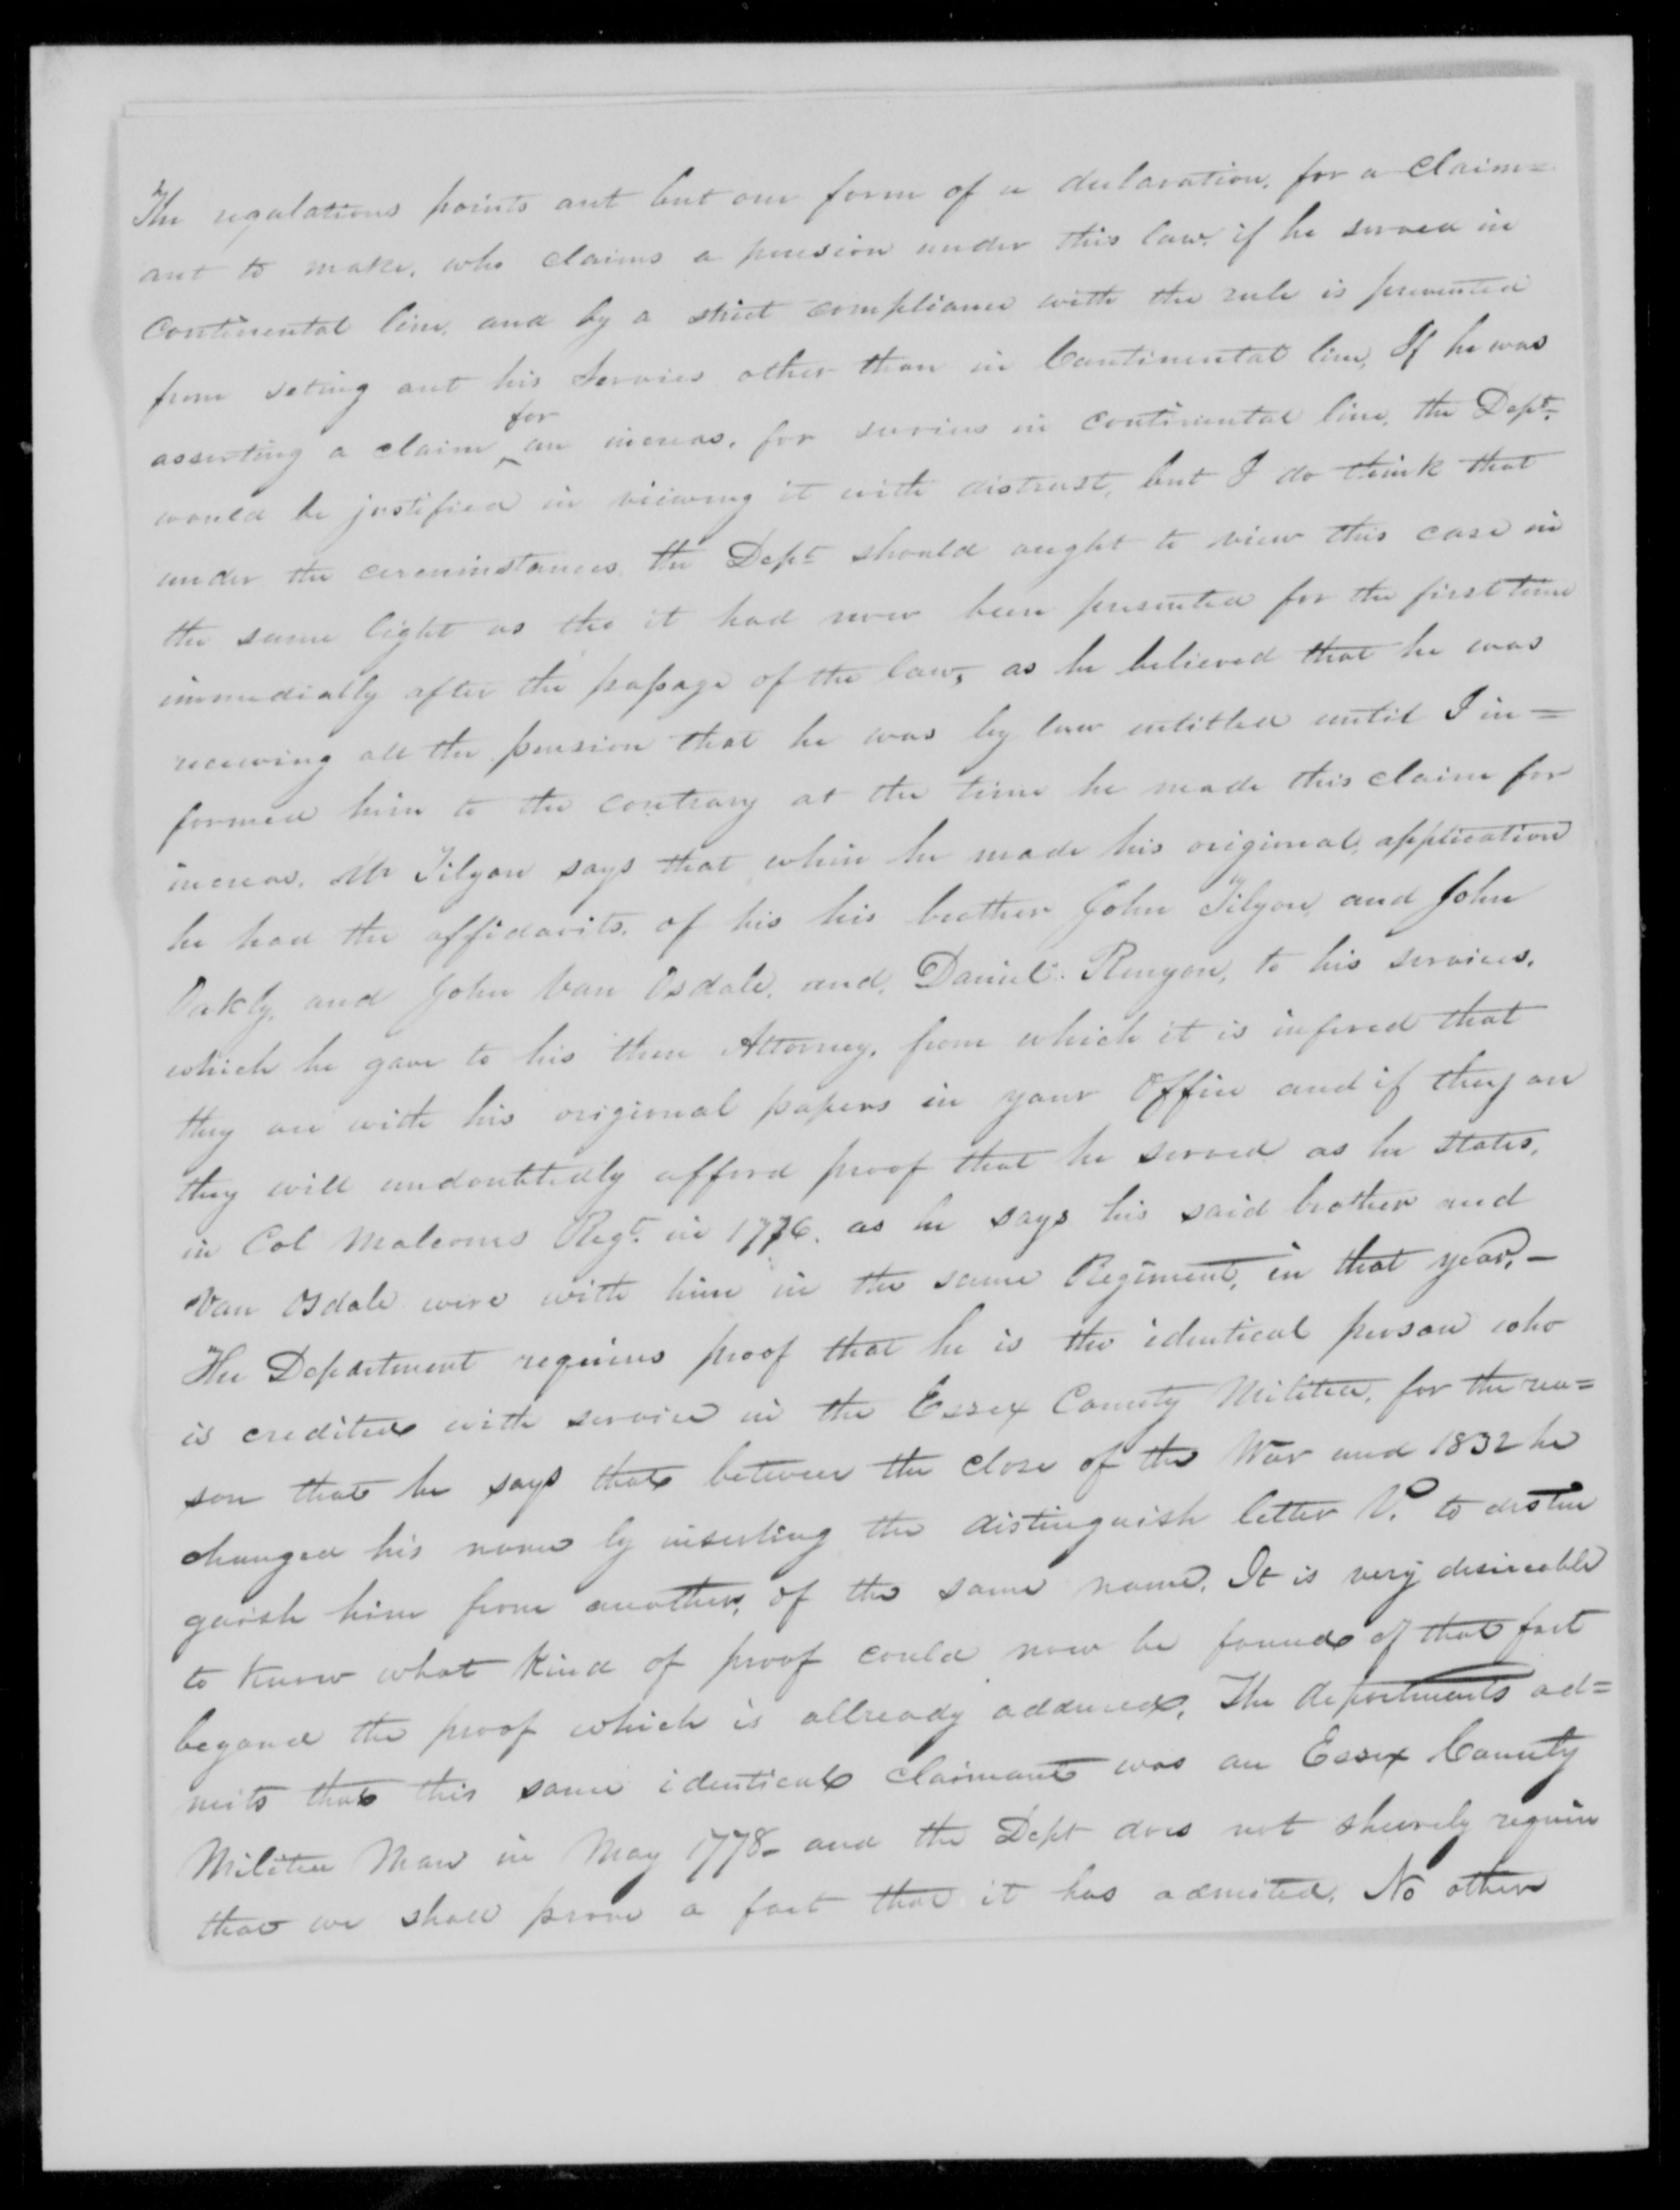The regulations points out but our form of a declaration for a claim
and to make, who claims a pension under this law, if he served in
continental line and by a strict compliance with the rule is prevented
from setting out his services other than in Continental line. If he was
for
assenting a claim an increas for services in continental line, the Dept
would be justified in viewing it with distrust but I do think that
under the circumstances the Dept should ought to view this case in
the same light as the it had now been presented for the first time
immediatly after the passage of the law, as he believed that he was
receiving all the pension that he was by law entitled until I informed him to the contrary at the time he made this claim for
was A Tillyou says that when he made his original application
he had the affidavits of his his brother John Tilyou and John
lately and John Van Isdale, and Daniel Ringon, to his services
which he gave to his then Attorney, from which it is infered that
they are with his original papers in your office and if they are
they will undoubtedly afford proof that he served as he states.
in Col Malcoms Regt in 1776, as he says his said brother and
Vanosdale were with him in the same Regiment, in that year.
The Department requires proof that he is the identical person who
is credited with service in the Essex County Militia for the re
son that he says that between the close of the War and 1832 he
changed his name by inserting the distinguish letter to distinguish him from another of the same name. It is very desirable
to know what kind of proof could now be found of that full
beyond the proof which is allready adduced. The deportments ad
unto that this same identical claimant was an Essex County
Militia Man in May 1778 and the Dept does not shurely require
that we shall prove a fact that it has admited. No other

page: 26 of 101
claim: widow's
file: W. 25481, for Peter V Tilyou, New Jersey